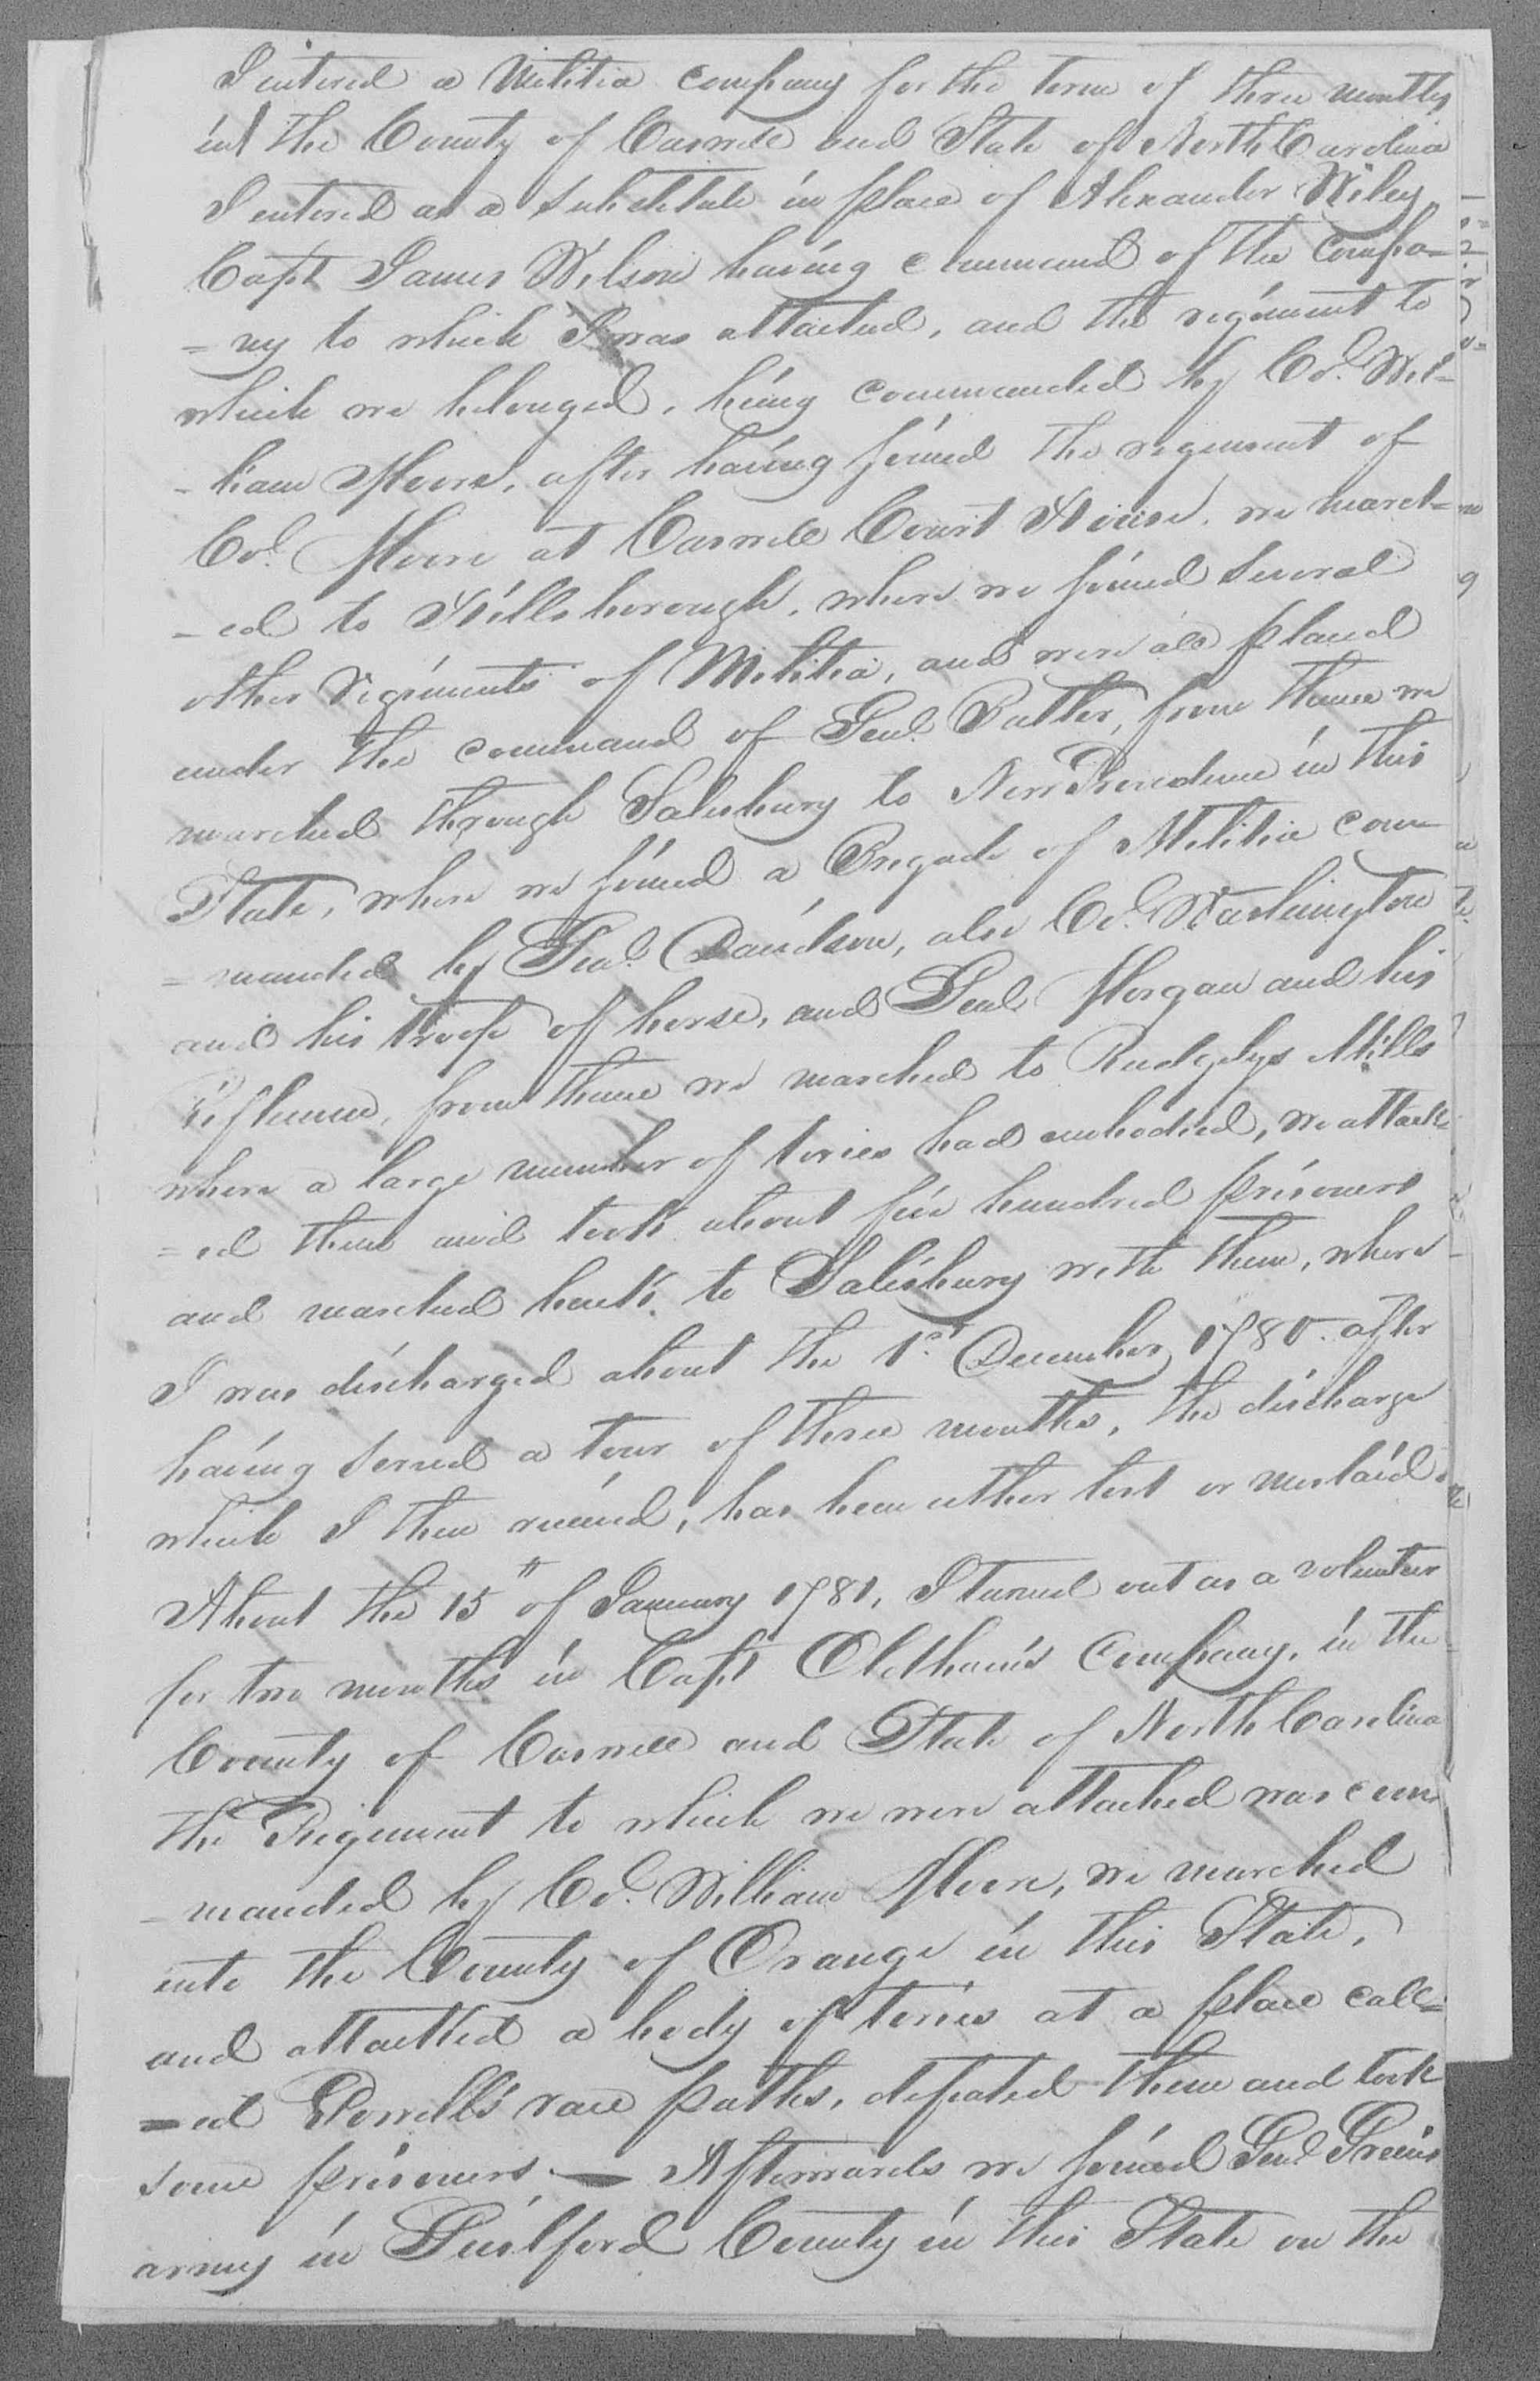I entered a Militia company for the term of three months in the County of Caswell and State of North Carolina I entered as a Substitute in place of Alexander Wiley Capt [Captain] James Wilson having command of the company to which I was attached, and the Regiment to which we belonged, being commanded by Col [Colonel] William Moore, after having joined the Regiment of Col [Colonel] Moore at Caswell Court House, we marched to Hillsborough, where we joined several other regiments of Militia, and were all placed under the command of Genl [General] Butler, from thence we marched through Salisbury to New Providence in this State, where we joined a Brigade of Militia commanded by Genl [General] Davidson, also Col [Colonel] Washington and his troop of horse, and Genl [General] Morgan and his Riflemen, from thence we marched to Rugeley's Mills where a large number of Tories had embodied, we attacked them and took about five hundred prisoners and marched back to Salisbury with them, where I was discharged about the 1st [of] December 1780 after having served a tour of three months. The discharge which I then received has been either lost or mislaid. About the 15th of January 1781, I turned out as a volunteer for two months in Capt [Captain] Oldham's Company, in the County of Caswell and State of North Carolina in the Regiment to which we were attached was commanded by Col [Colonel] William Moore, we marched into the County of Orange in this State, and attacked a body of Tories at a place called Powell's race paths, defeated them and took some prisoners. - Afterwards we joined Genl [General] Greene's Army in Guilford County in this State on the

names: Davidson, Washington, Moore, Morgan, James Wilson, William Moore, Butler, William Moore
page: 6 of 23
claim: survivor's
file: S. 6560, David Barker, N.C.